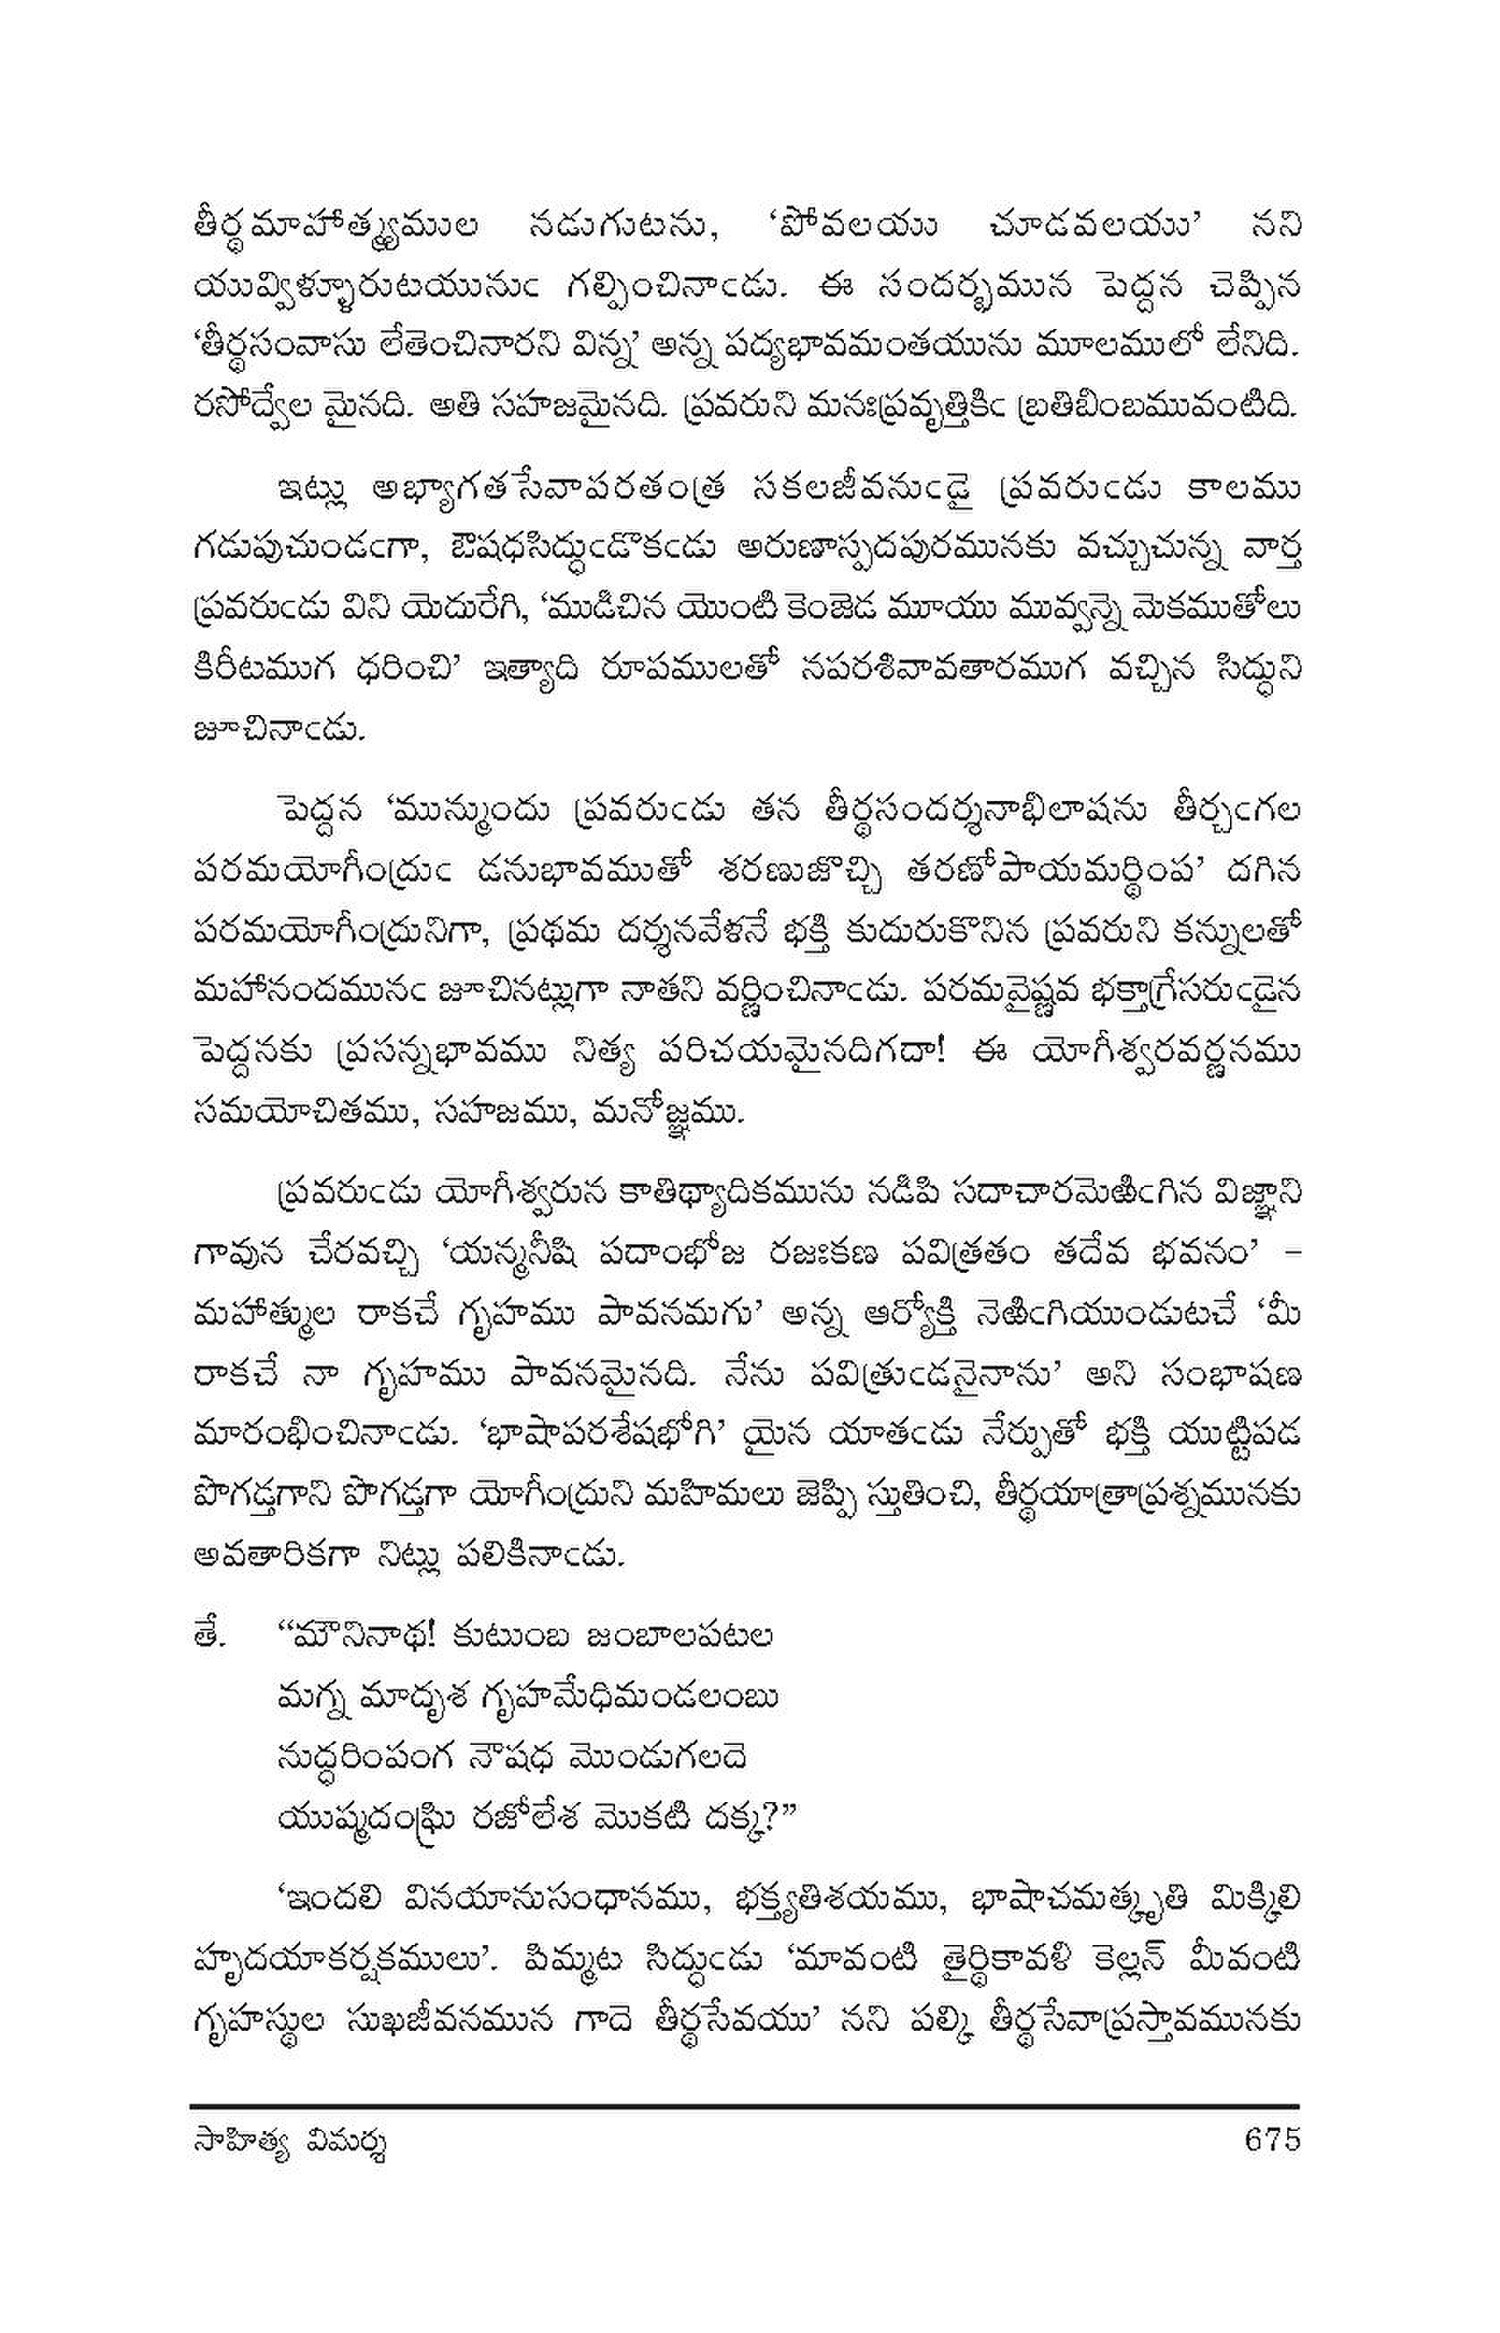తీర్థమాహాత్మ్యముల నడుగుటను, 'పోవలయు చూడవలయు' నని యువ్విళ్ళూరుటయునుఁ గల్పించినాఁడు. ఈ సందర్భమున పెద్దన చెప్పిన
'తీర్థసంవాసు లేతెంచినారని విన్న' అన్న పద్యభావమంతయును మూలములో లేనిది.
రసోద్వేల మైనది. అతి సహజమైనది. ప్రవరుని మనఃప్రవృత్తికిఁ బ్రతిబింబమువంటిది.

ఇట్లు అభ్యాగత సేవాపరతంత్ర సకలజీవనుఁడై ప్రవరుఁడు కాలము గడుపుచుండఁగా, ఔషధసిద్ధుఁడొకఁడు అరుణాస్పదపురమునకు వచ్చుచున్న వార్త ప్రవరుఁడు విని యెదురేగి, 'ముడిచిన యొంటి కెంజెడ మూయు మువ్వన్నె మెకముతోలు కిరీటముగ ధరించి' ఇత్యాది రూపములతో నపరశివావతారముగ వచ్చిన సిద్ధుని చినాఁడు.

పెద్దన 'మున్ముందు ప్రవరుఁడు తన తీర్థసందర్శనాభిలాషను తీర్చఁగల పరమయోగీంద్రుఁ డనుభావముతో శరణుజొచ్చి తరణోపాయమర్ధింప' దగిన
పరమయోగీంద్రునిగా, ప్రథమ దర్శనవేళనే భక్తి కుదురుకొనిన ప్రవరుని కన్నులతో మహానందమునఁ జూచినట్లుగా నాతని వర్ణించినాఁడు. పరమవైష్ణవ భక్తాగ్రేసరుఁడైన పెద్దనకు ప్రసన్నభావము నిత్య పరిచయమైనదిగదా! ఈ యోగీశ్వరవర్ణనము సమయోచితము, సహజము, మనోజ్ఞము.

ప్రవరుఁడు యోగీశ్వరున కాతిథ్యాదికమును నడిపి సదాచారమెఱిఁగిన విజ్ఞాని గావున చేరవచ్చి 'యన్మనీషి పదాంభోజ రజఃకణ పవిత్రతం తదేవ భవనం' -మహాత్ముల రాకచే గృహము పావనమగు' అన్న ఆర్యోక్తి నెఱిఁగియుండుటచే 'మీ
రాకచే నా గృహము పావనమైనది. నేను పవిత్రుఁడనైనాను' అని సంభాషణ మారంభించినాఁడు. 'భాషాపరశేషభోగి' యైన యాతఁడు నేర్పుతో భక్తి యుట్టిపడ పొగడ్తగాని పొగడ్తగా యోగీంద్రుని మహిమలు జెప్పి స్తుతించి, తీర్థయాత్రా ప్రశ్నమునకు
అవతారికగా నిట్లు పలికినాఁడు.

తే. “మౌనినాథ! కుటుంబ జంబాలపటల
మగ్న మాదృశ గృహమేధిమండలంబు
నుద్ధరింపంగ నౌషధ మొండుగలదె
యుష్మదంఘ్ర రజోలేశ మొకటి దక్క?"

'ఇందలి వినయానుసంధానము, భక్త్యతిశయము, భాషాచమత్కృతి మిక్కిలి హృదయాకర్షకములు'. పిమ్మట సిద్ధుఁడు 'మావంటి తైర్థికావళి కెల్లన్ మీవంటి గృహస్థుల సుఖజీవనమున గాదె తీర్థసేవయు' నని పల్కి తీర్థసేవాప్రస్తావమునకు